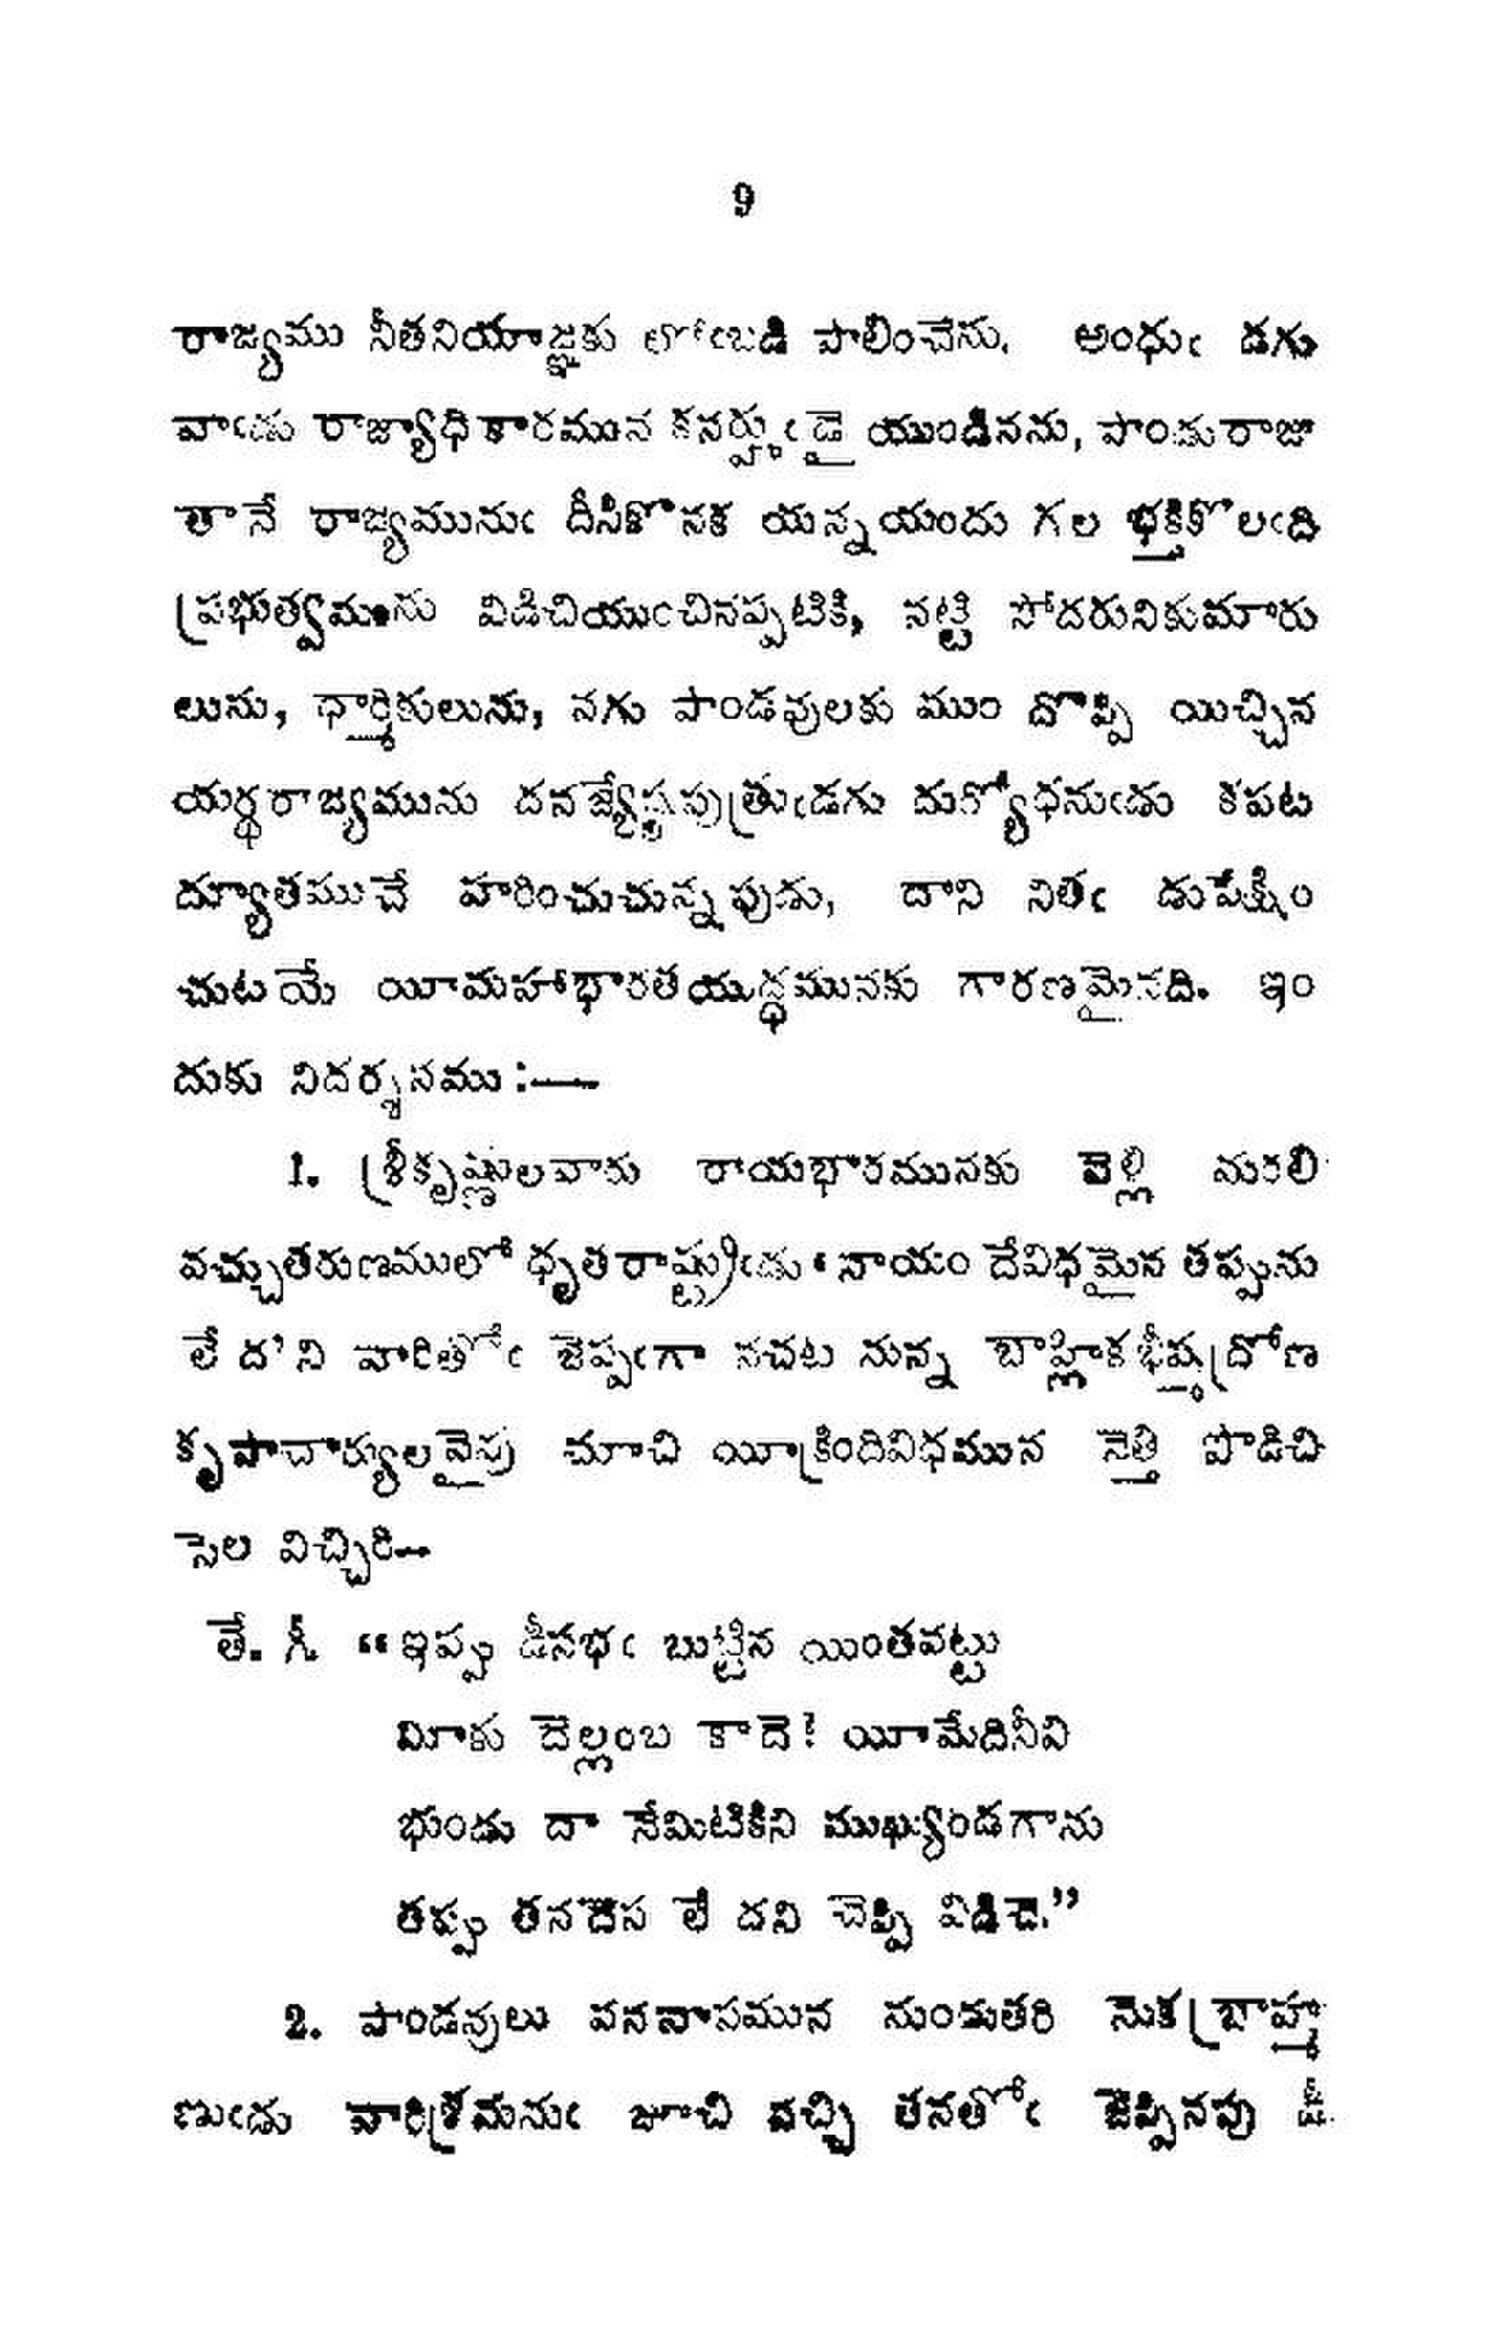రాజ్యము నీతనియాజ్ఞకు లోఁబడి పాలించెను. అంధుఁ డగువాఁడు రాజ్యాధికారమున కసర్హుఁడై యుండినను, పాండురాజు తానే రాజ్యమునుఁ దీసికొనక యన్నయందు గల భక్తికొలఁది ప్రభుత్వమును విడిచియుంచినప్పటికి, నట్టి సోదరునికుమారులును, ధార్మికులును, నగు పాండవులకు ముం దొప్పి యిచ్చిన యర్థరాజ్యమును దనజ్యేష్ఠపుత్రుఁడగు దుర్యోధనుఁడు కపటద్యూతముచే హరించుచున్న పుడు, దాని నితఁ డుపేక్షించుటయే యీమహాభారతయుద్ధమునకు గారణమైనది. ఇందుకు నిదర్శనము :-

1. శ్రీకృష్ణులవారు రాయభారమునకు వెళ్లి మరలి వచ్చుతరుణములో ధృతరాష్ట్రుఁడు • నాయం దేవిధమైన తప్పును లే ద'ని వారితోఁ జెప్పఁగా నచట నున్న బాహ్లికభీష్మద్రోణకృపాచార్యులవైపు చూచి యీక్రిందివిధమున నెత్తి పొడిచి సెల విచ్చిరి-

తే. గీ. "ఇప్పు డీసభఁ బుట్టిన యింతవట్టు
 మీకు దెల్లంబ కాదె! యీమేదినీవి
 భుండు దా నేమిటికిని ముఖ్యండగాను
 తప్పు తనదెస లే దని చెప్పి విడిచె."
2. పాండవులు వనవాసమున నుండుతరి నొకబ్రాహ్మణుఁడు వారిశ్రమనుఁ జూచి వచ్చి తనతోఁ జెప్పినపు డీ.